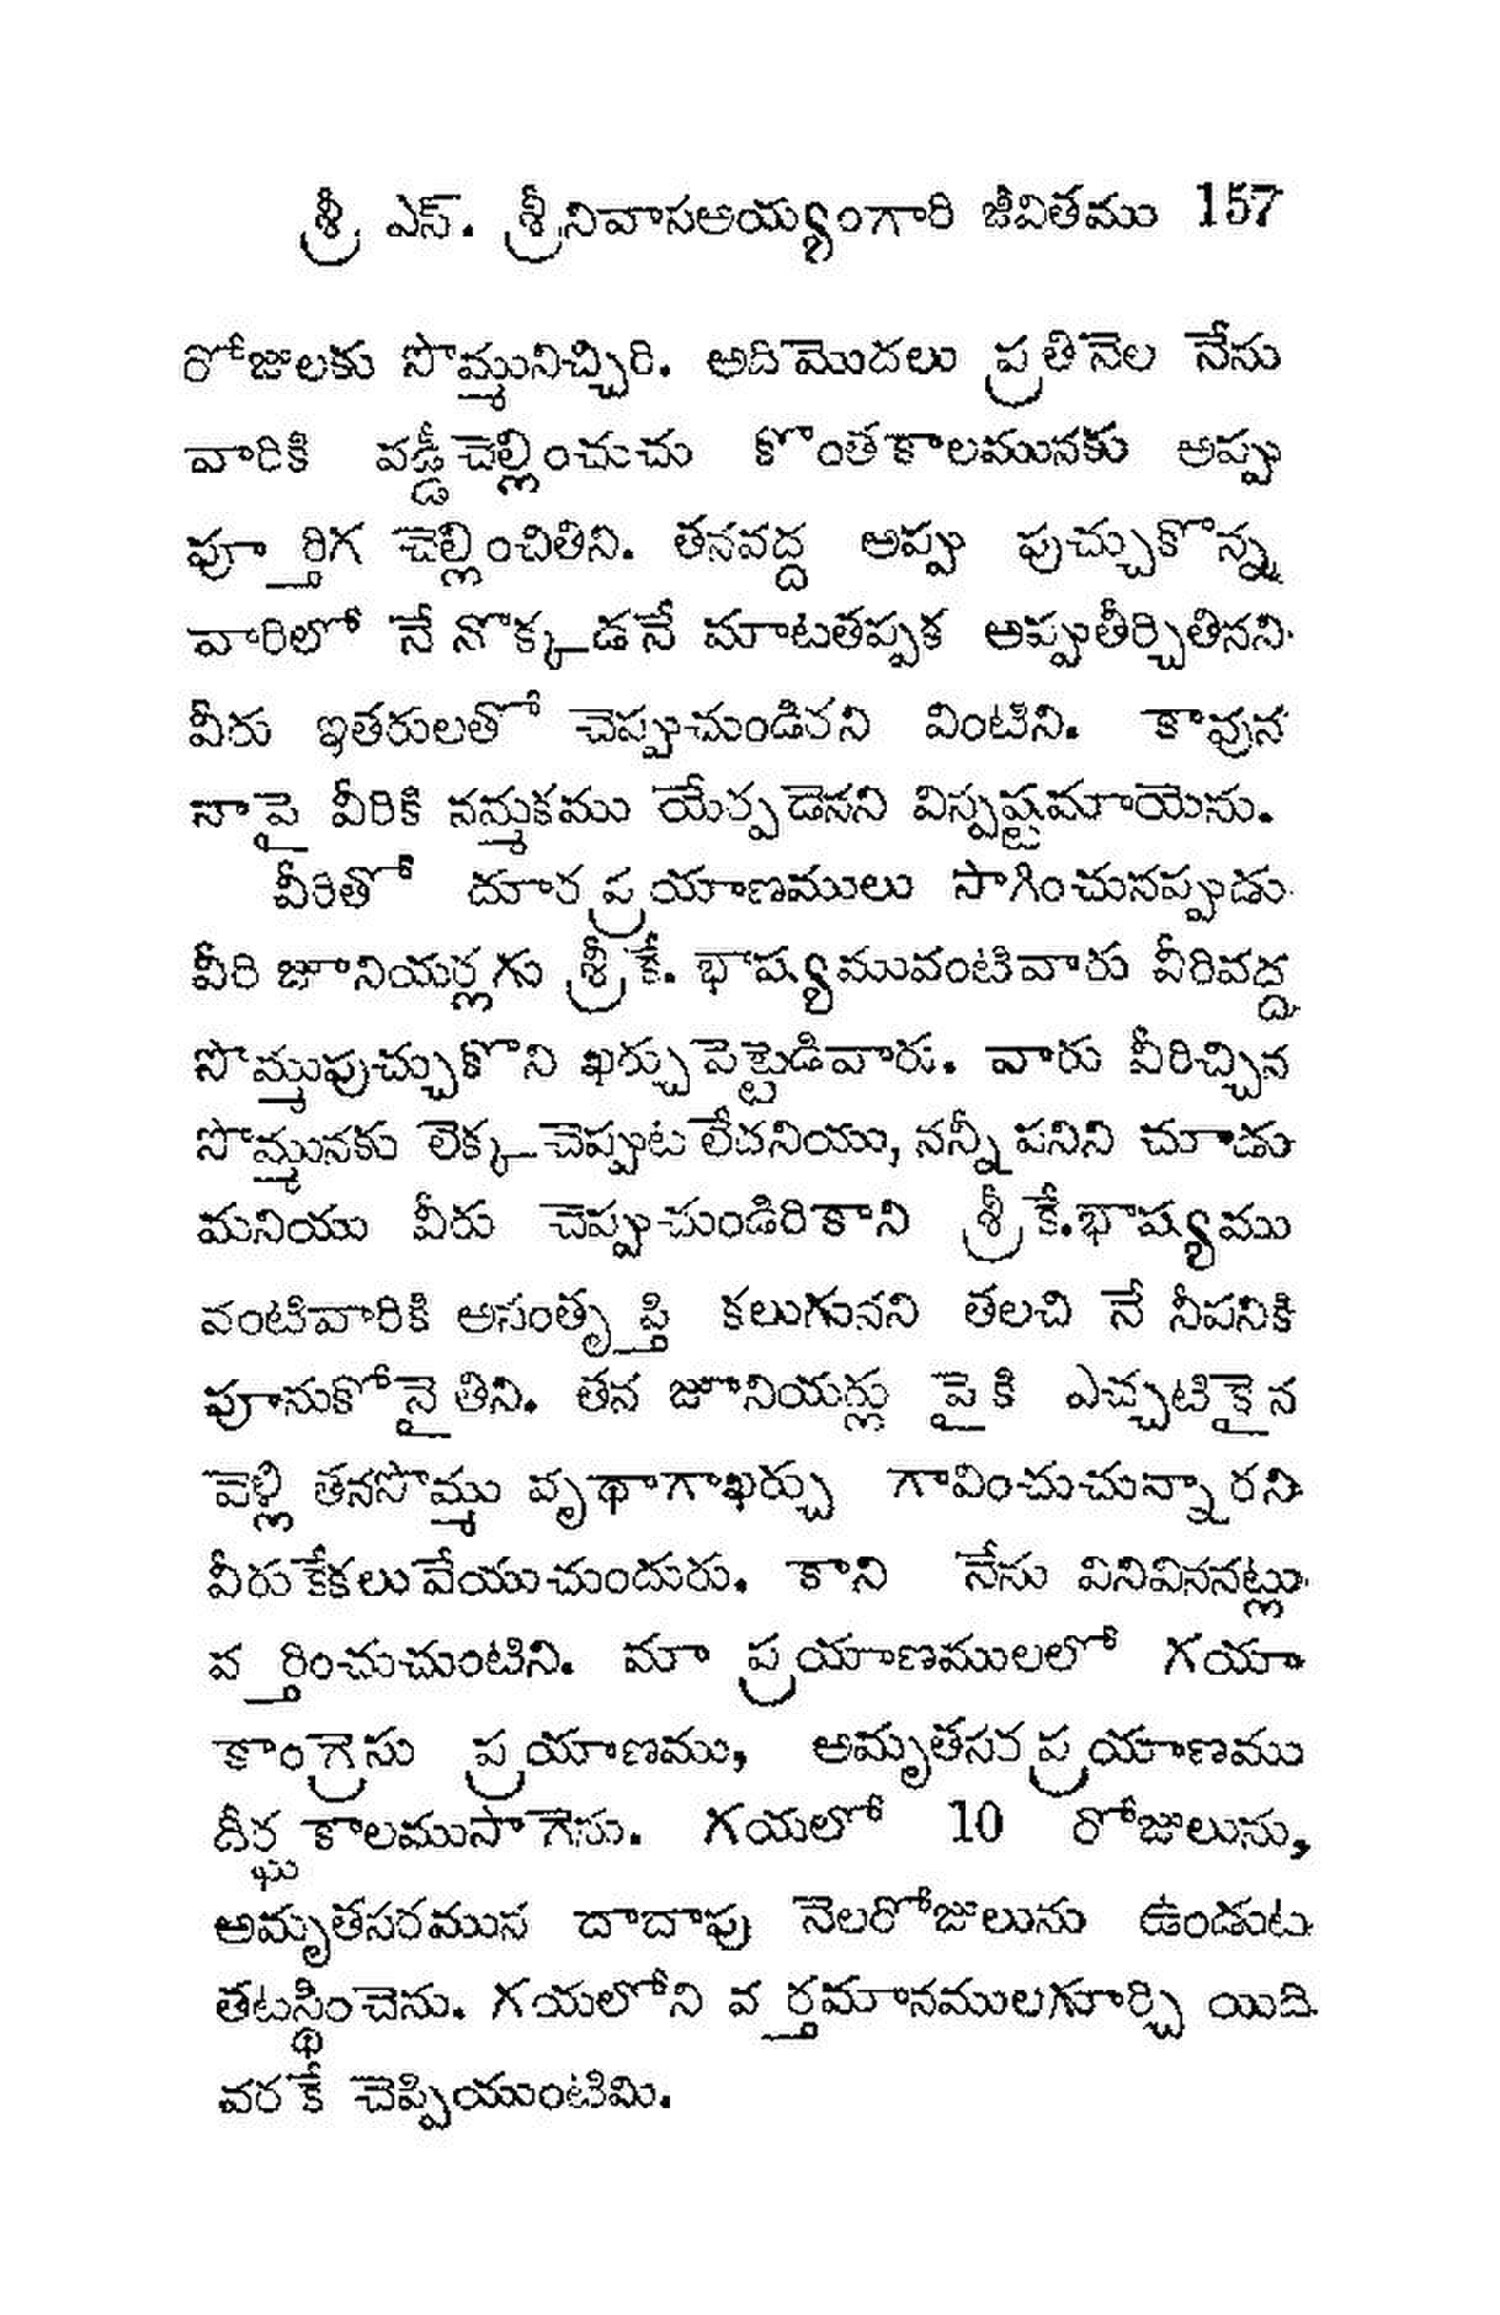రోజులకు సొమ్మునిచ్చిరి. అదిమొదలు ప్రతినెల నేను వారికి వడ్డీచెల్లించుచు కొంతకాలమునకు అప్పు పూర్తిగ చెల్లించితిని. తనవద్ద అప్పు పుచ్చుకొన్న వారిలో నేనొక్కడనే మాటతప్పక అప్పుతీర్చితినని. వీరు ఇతరులతో చెప్పుచుండిరని వింటిని. కావున నాపై వీరికి నమ్మకము యేర్పడెనని విస్పష్టమాయెను.

వీరితో దూరప్రయాణములు సాగించునప్పుడు వీరి జూనియర్లగు శ్రీ కే. భాష్యమువంటి వారు వీరివద్ద సొమ్ముపుచ్చుకొని ఖర్చుపెట్టెడివారు. వారు వీరిచ్చిన సొమ్మునకు లెక్క చెప్పుటలేదనియు, నన్నీపనిని చూడుమనియు వీరు చెప్పుచుండిరికాని శ్రీ కే. భాష్యము వంటివారికి అసంతృప్తి కలుగునని తలచి నే నీపనికి పూనుకోనైతిని. తన జూనియర్లు పైకి ఎచ్చటికైన వెళ్లి తనసొమ్ము వృథాగాఖర్చు గావించుచున్నారని వీరు కేకలువేయుచుందురు. కాని నేను వినివిననట్లు వర్తించుచుంటిని. మా ప్రయాణములలో గయా కాంగ్రెసు ప్రయాణము, అమృతసర ప్రయాణము దీర్ఘ కాలముసాగెను. గయలో 10 రోజులును, అమృతసరమున దాదాపు నెలరోజులును ఉండుట తటస్థించెను. గయలోని వర్తమానములగూర్చి యిదివరకే చెప్పియుంటిమి.